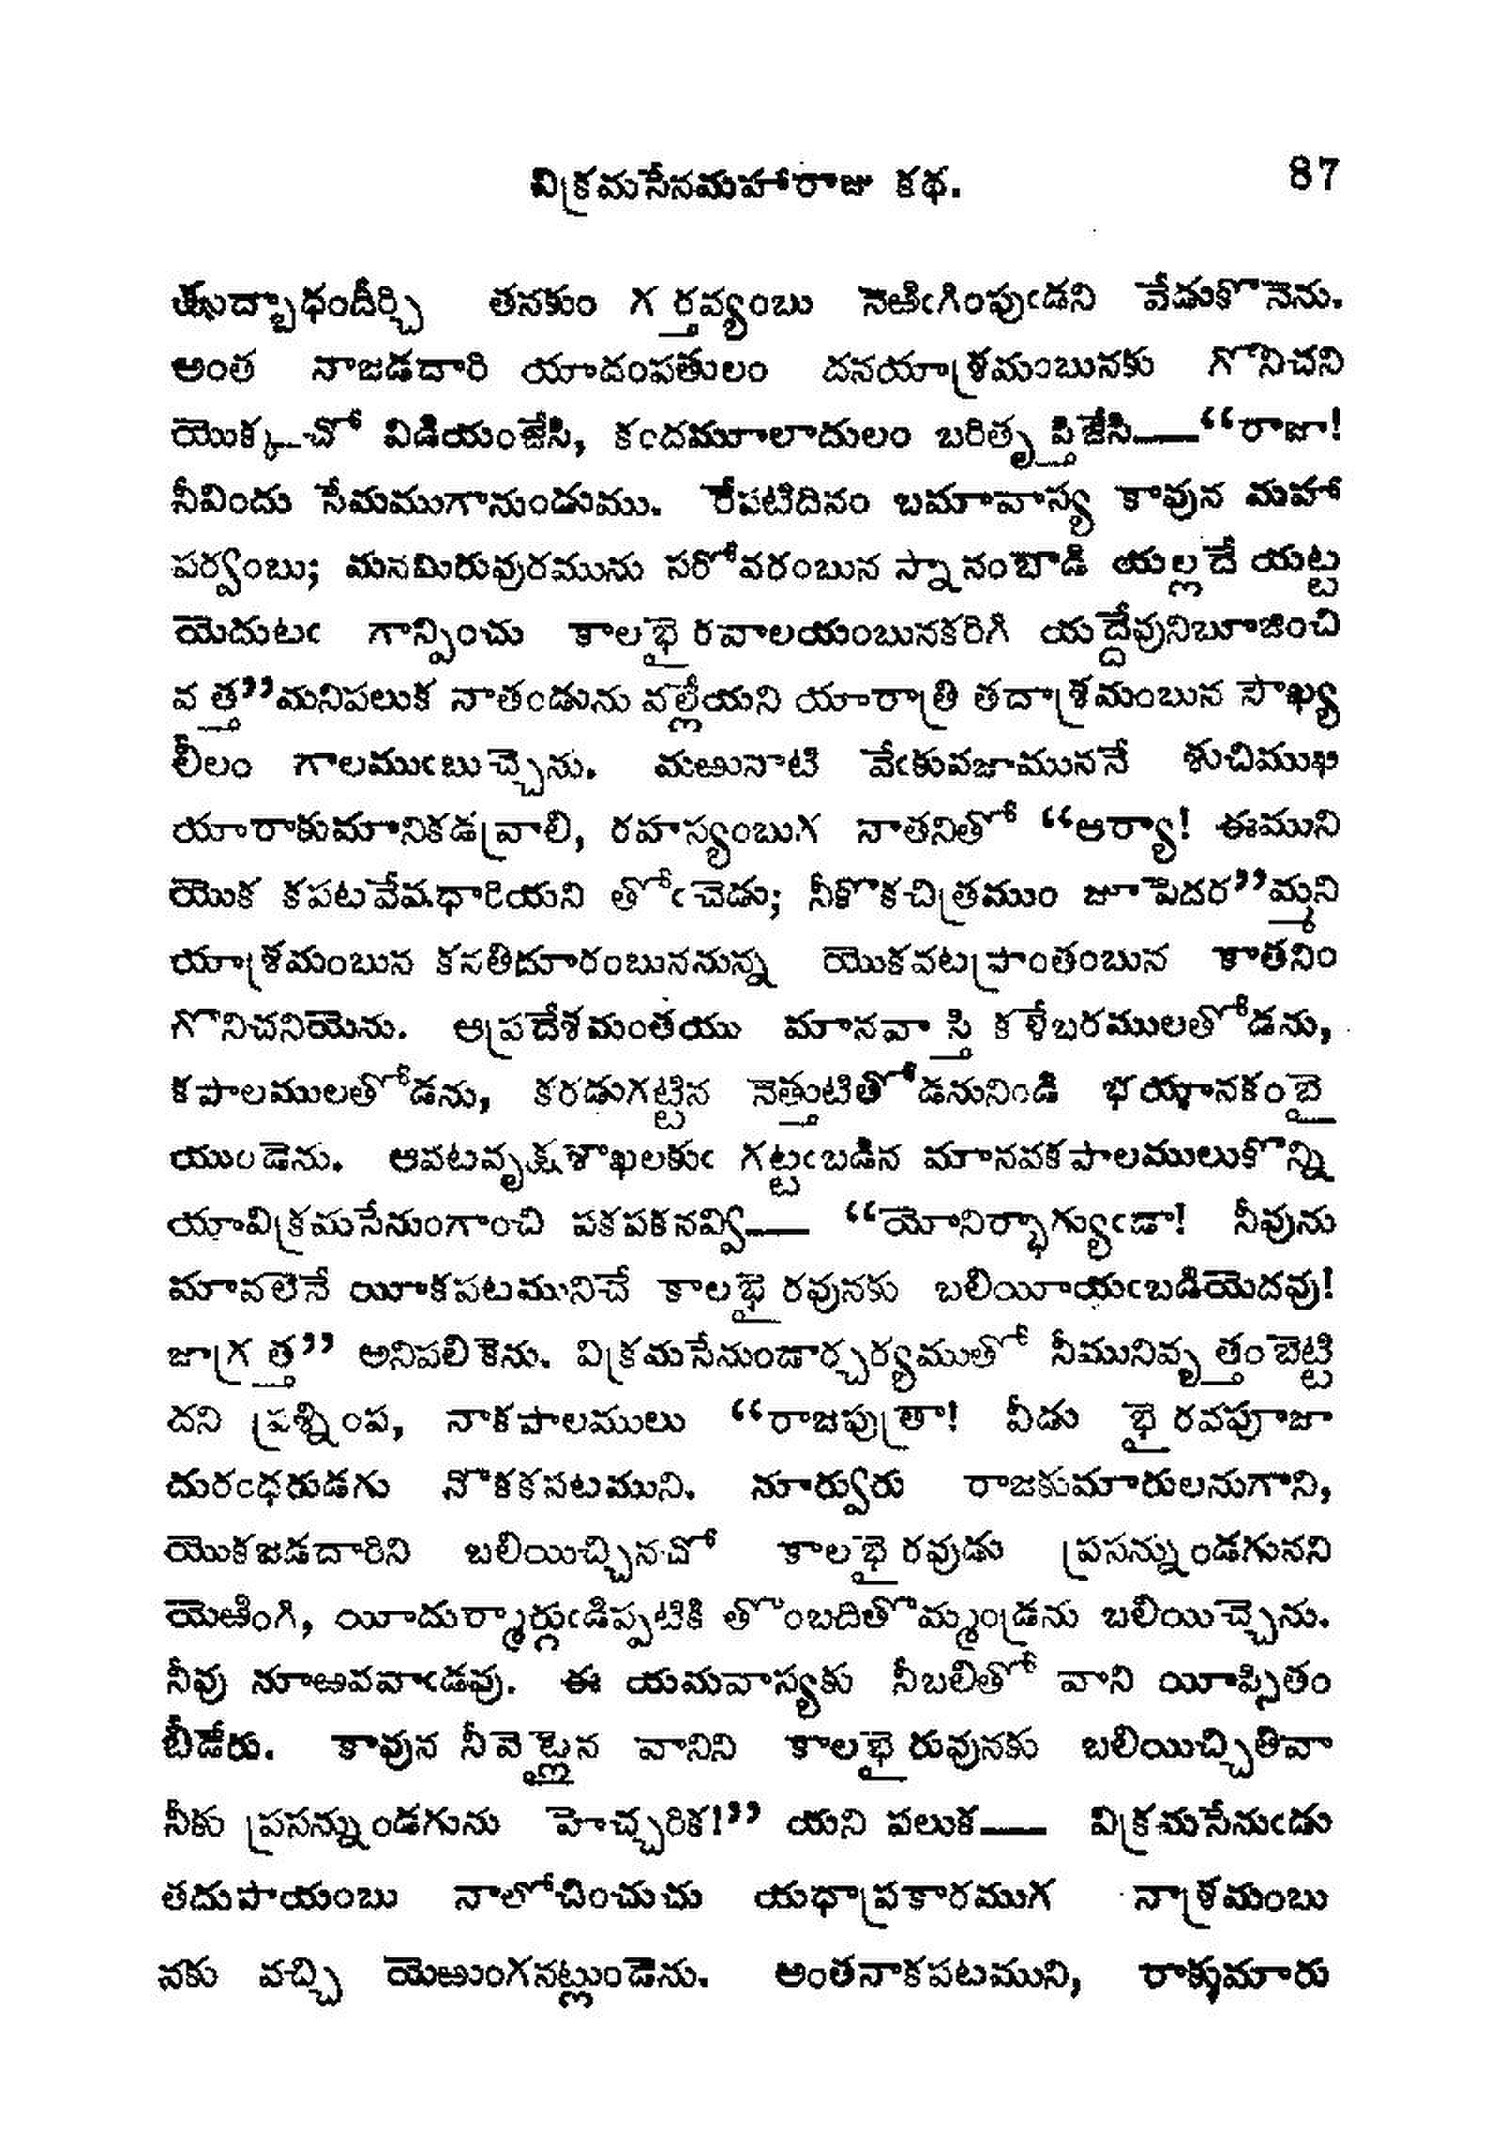క్షుద్బాధం దీర్చి తనకుం గర్తవ్యంబు నెఱిఁగింపుఁడని వేడుకొనెను. నాజడదారి యాదంపతులం దనయాశ్రమంబునకు గోనిచని యొక్కచో విడియంజేసి, కందమూలాదులం బరితృప్తి జేసి—— "రాజా! నీవిందు సేమముగానుండుము. రేపటిదినం బమావాస్య కావున మహా పర్వంబు; మనమరుపురమును సరోవరంబున స్నానం బాడి యల్లదే యట్ట యెదుటఁ గాన్పించు కాలభైరవాలయంబునకరిగి యద్దేవుని బూజించి వత్త"మనిపలుక నాతండును వల్లేయని యారాత్రి తదాశ్రమంబున సౌఖ్య
లీలం గాలముఁబుచ్చెను. మఱునాటి వేకువజాముననే శుచిముఖ యారాకుమానికడ వ్రాలి, రహస్యంబుగ నాతనితో "ఆర్యా! ఈముని యొక కపట వేషధారియని తోఁచెడు; నీకొక చిత్రముం జూపెదర"మ్మని యాశ్రమంబున కనతిదూరంబుననున్న యొకవట ప్రాంతంబున కాతనిం గొనిచనియెను. ఆప్రదేశమంతయు మానవాస్తి కళేబరములతోడను, కపాలములతోడను, కరడుగట్టిన నెత్తుటితోడనునిండి భయానకంబై యుండెను. ఆవటవృక్షశాఖలకుఁ గట్టఁబడిన మానవక పాలములు కొన్ని
యావిక్రమసేనుంగాంచి పకపక నవ్వి—— "యోనిర్భాగ్యుఁడా! నీవును మావలెనే యీకపటమునిచే కాలభైరవునకు బలియీయఁబడియెదవు! జాగ్రత్త” అనిపలికెను. విక్రమసేనుండార్చర్యములో నీ మునివృత్తం బెట్టిదని ప్రశ్నింప, నాకపాలములు "రాజపుత్రా! వీడు భైరవపూజా దురంధరుడగు నొకకపటముని, నూర్వురు రాజకుమారులనుగాని,
యొక జడదారిని బలియిచ్చినచో కాలభైరవుడు ప్రసన్నుండగునని యెఱింగి, యీదుర్మార్గుఁడిప్పటికి తొంబదితొమ్మండ్రను బలియిచ్చెను. నీవు నూఱవవాఁడవు. ఈ యమవాస్యకు నీబలితో వాని యీప్సితం బీడేరు. కావున నీ వెట్లైన వానిని కాలభైరువునకు బలియిచ్చితివా నీకు ప్రసన్నుండగును హెచ్చరిక" యని పలుక—— విక్రమసేనుఁడు తదుపాయంబు
నాలోచించుచు యధాప్రకారముగ నాశ్రమంబునకు వచ్చి యెఱుంగనట్లుండెను. అంతనాకపటముని, రాకుమారు